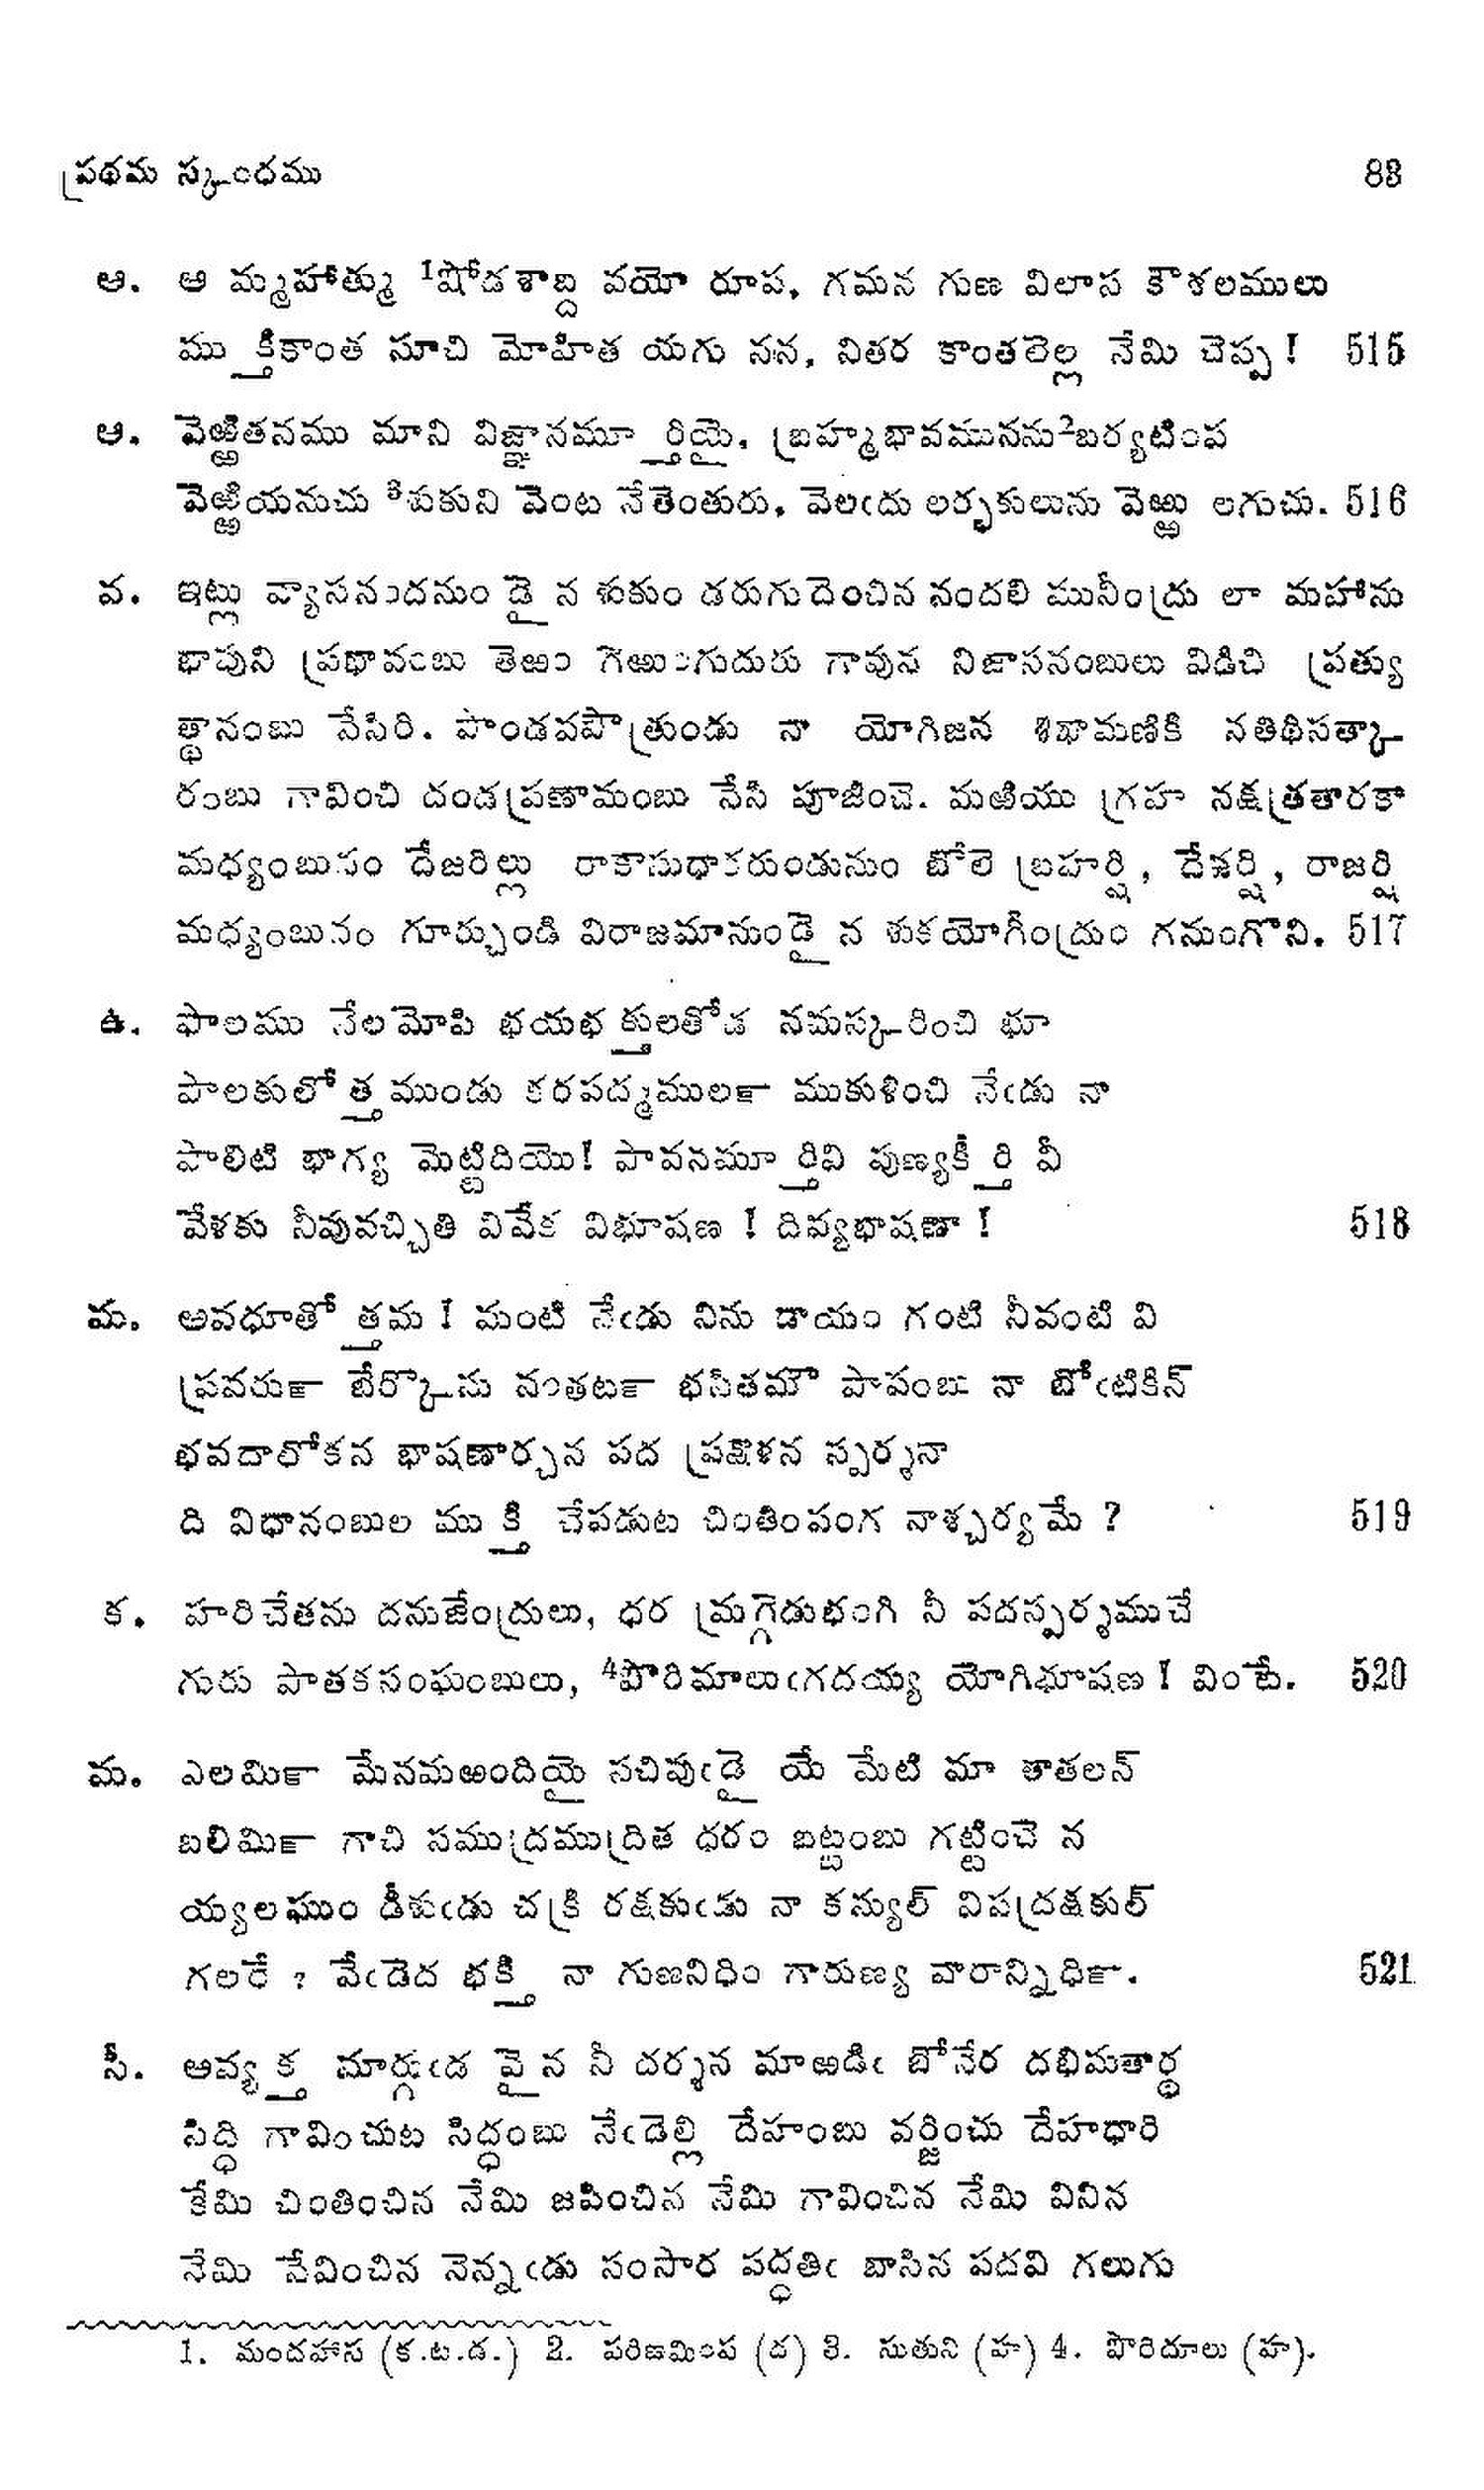83

ఆ. అమ్మహాత్ము షోడశాబ్ద వయో రూప, గమన గుణ విలాస కౌశలములు

ముక్తికాంత సూచి మోహిత యగు నన, నితర కాంతలెల్ల నేమి చెప్ప ! (516)

ఆ. వెఱ్ఱితనము మాని విజ్ఞానమూర్తియై, బ్రహ్మభావమునను బర్యటింప

వెఱ్ఱియనుచు శుకుని వెంట నేతెంతురు, వెలఁదు లర్భకులును వెఱ్ఱు లగుచు . (517)

వ. ఇట్లు వ్యాసనందనుండైన శుకుం డరుగుదెంచిన నందలి మునీంద్రు లా మహానుభావుని ప్రభావంబు తెఱం గెఱుంగుదురు గావున నిజాసనంబులు విడిచి ప్రత్యుత్థానంబు సేసిరి. పాండవపౌత్రుండు నా యోగిజన శిఖామణికి నతిథిత్కారంబు గావించి దండప్రణామంబు సేసి పూజించె. మఱియు గ్రహ నక్షత్రతారకా మధ్యంబునం దేజఱిల్లు రాకాసుధాకరుండునుం బోలె బ్రహ్మర్షి, దేవర్షి, రాజర్షి మధ్యంబునం గూర్చుండి విరాజమానుండైన శుకయోగీంద్రం గనుంగొని. (518)

ఉ. ఫాలము నేలమోపి భయభక్తులతోడ నమస్కరించి భూ

పాలకులోత్తముండు కరపద్మములన్ ముకళించి నేఁడు నా

పాలిటి భాగ్య మెట్టిదియొ ! పావనమూర్తివి పుణ్యకీర్తి వీ

వేళకు నీవువచ్చితి వివేక విభూషణ ! దివ్యభాషణా ! (519)

మ. అవనిభూతోత్తమ ! మంటి నేఁడు నిను డాయం గంటి నీవంటి వి

ప్రవరున్ బేర్కొను నంతటన్ భసితమౌ పాపంబు నా బోఁటికిన్

భవదాలోకన భాషణార్చన పద ప్రక్షాళన స్పర్శనా

ది విధానంబుల ముక్తి చేపడుట చింతింపగ నాశ్చర్యమే ? (520)

క. హరిచేతను దనుజేంద్రులు, ధర మ్రగ్గెడుభంగి నీ పదస్పర్శముచే

గురు పాతకసంఘంబులు, పొఱిమాలుఁగదయ్య యోగిభూషణ ! వింటే . (521)

మ. ఎలమిన్ మేనమఱందియై సచిపుఁడై యే మేటి మా తాతలన్

బలిమిన్ గావి సముద్రముద్రిత ధరం బట్టంబు గట్టించె న

య్యలఘం డీశుఁడు చక్రి రక్షకుఁడు నా కన్యుల్ విపద్రక్షకుల్

గలరే ? వేఁడెదా భక్తి నా గుణనిధిం గారుణ్య వారాన్నిధిన్. (522)

సీ. అవ్యక్త మార్గుఁడు వైన నీ దర్శన మాఱడిఁ బోనేర దభిమతార్థ

సిద్ధి గావించుట సిద్ధంబు నేఁడెల్లి దేహంబు వర్జించు నేమి వినిన

కేమి చింతించిన నేమి జపించిన నేమి గావించిన నేమి వినిన

నేమి సేవించిన నెన్నఁడు సంసార పద్ధతిఁ దాసిన పదవి గలుగు